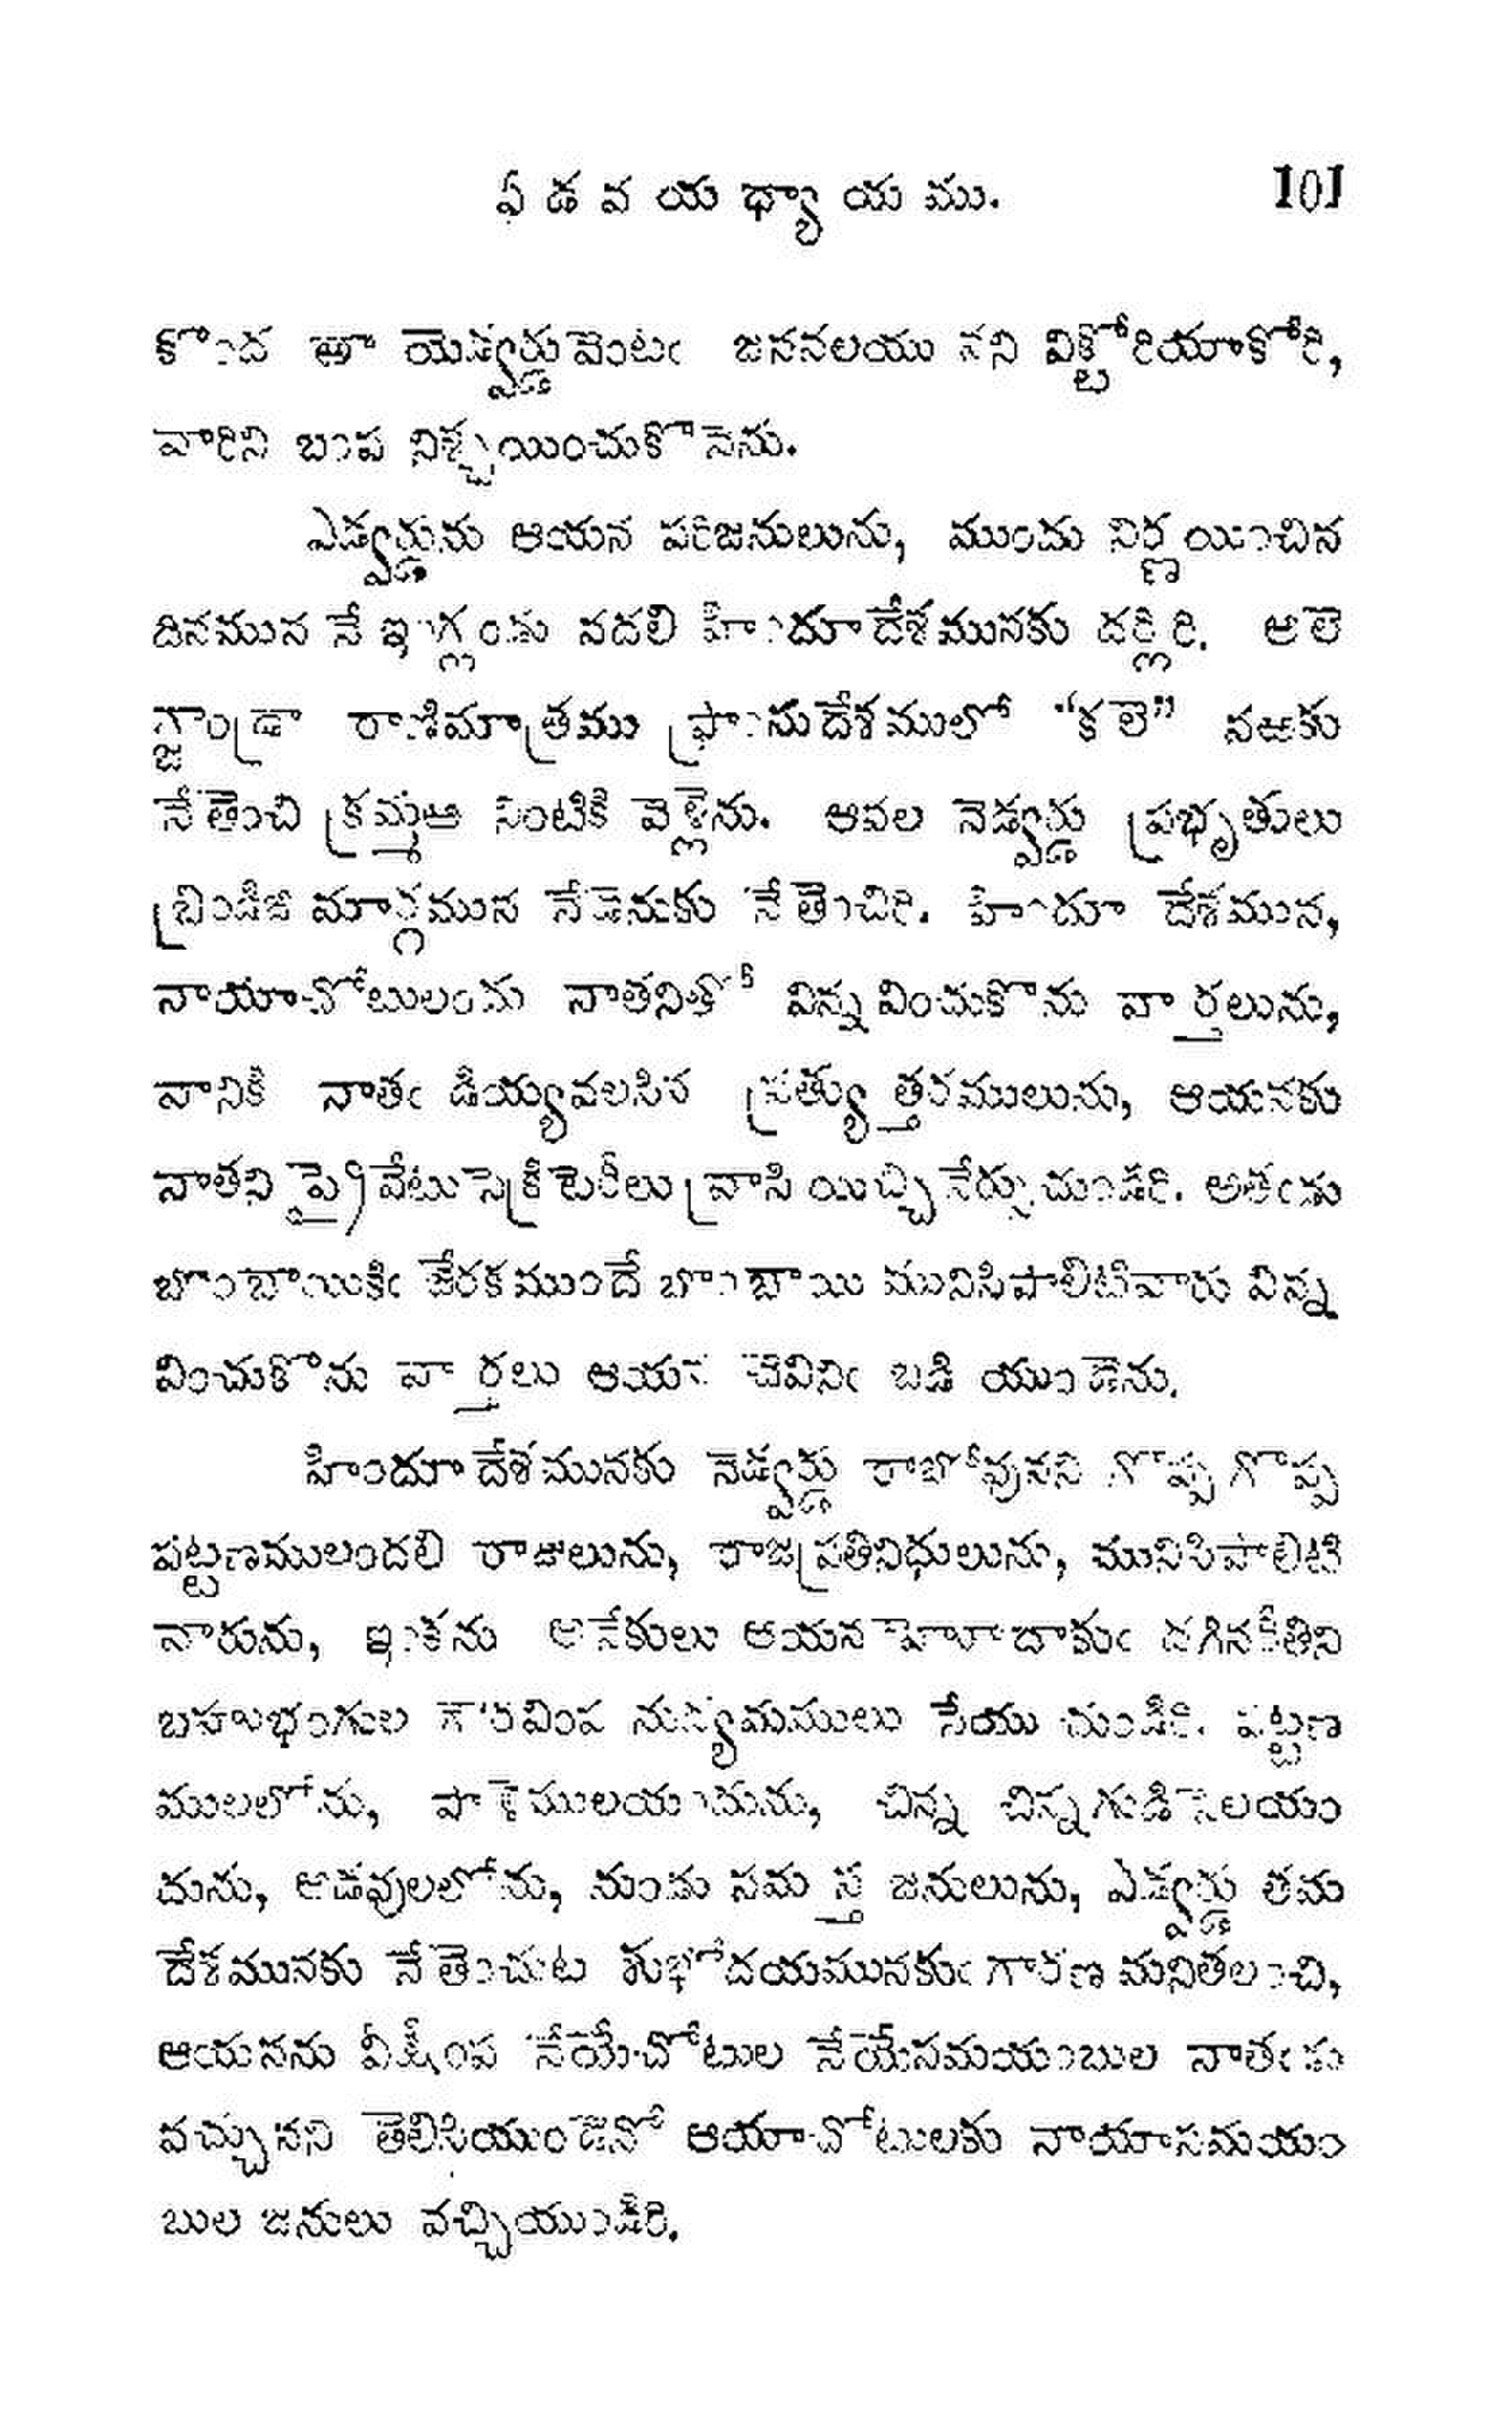కొంద ఎడ్వర్డు వెంటఁ జననలయు నని విక్టోరియాకోరి, వారిని బంప నిశ్చయించుకొనెను.

ఎడ్వర్డును ఆయన పరిజనులును, ముందు నిర్ణయించిన దినముననే ఇంగ్లండు వదలి హిందూ దేశమునకు దర్లిరి. ఆలె గ్జాండ్రా రాణి మాత్రము ప్రొన్సు దేశములో "కలె" వరకు నే తెంచి క్రమ్మఱ నింటికి వెళ్లెను. ఆవల నెడ్వర్డు ప్రభృతులు బ్రిండిజ మార్గముననే వెనుకు 'నేతెంచిరి. హేదూ దేశమున, నాయాచోటులందు నాతనితో విన్న వించుకొను వార్తలును, వానికి నాతఁ డీయ్యవలసిన ప్రత్యుత్తరములును, ఆయనకు నాతని ప్రైవేటు సెక్రీ టెరీలు వ్రాసి యిచ్చి నేర్పుచుండిరి.. అతను బొంబాయికిఁ జేరక ముందే బాబాయి మునిసిపాలిటి వారు విన్న మించుకొను వార్తలు ఆయన, చెవినిఁ బడి యుండెను.

హిందూ దేశ మునకు నెడ్వెర్డు రాబోవునని గొప్పగా పట్టణములందలి రాజులును, భాజప్రతినిధులును, మునిసిపాలిటీ వారును, ఇంకను అనేకులు అయన హోదాకు దగిన రీతిని బహుభంగుల గౌర వింప నుద్యమములు సేయు చుండిరి..పట్టణ ములలోను, పాళెముల యందును, చిన్న చిన్నగుడిసె లయం దును, అడవులలోను, నుండు సమస్త జనులును, ఎడ్వర్డు తమ దేశమునకు నేతెంచుట శుభోదయమునకుఁ గారణ మనితలంచి, ఆయనను వీక్షింప నేయేచోటుల నేయేసమముంబుల నాతడు వచ్చునని తెలిసియుండెనో ఆయాచోటులకు నాయాసమయం బుల జనులు వచ్చియుండిరి